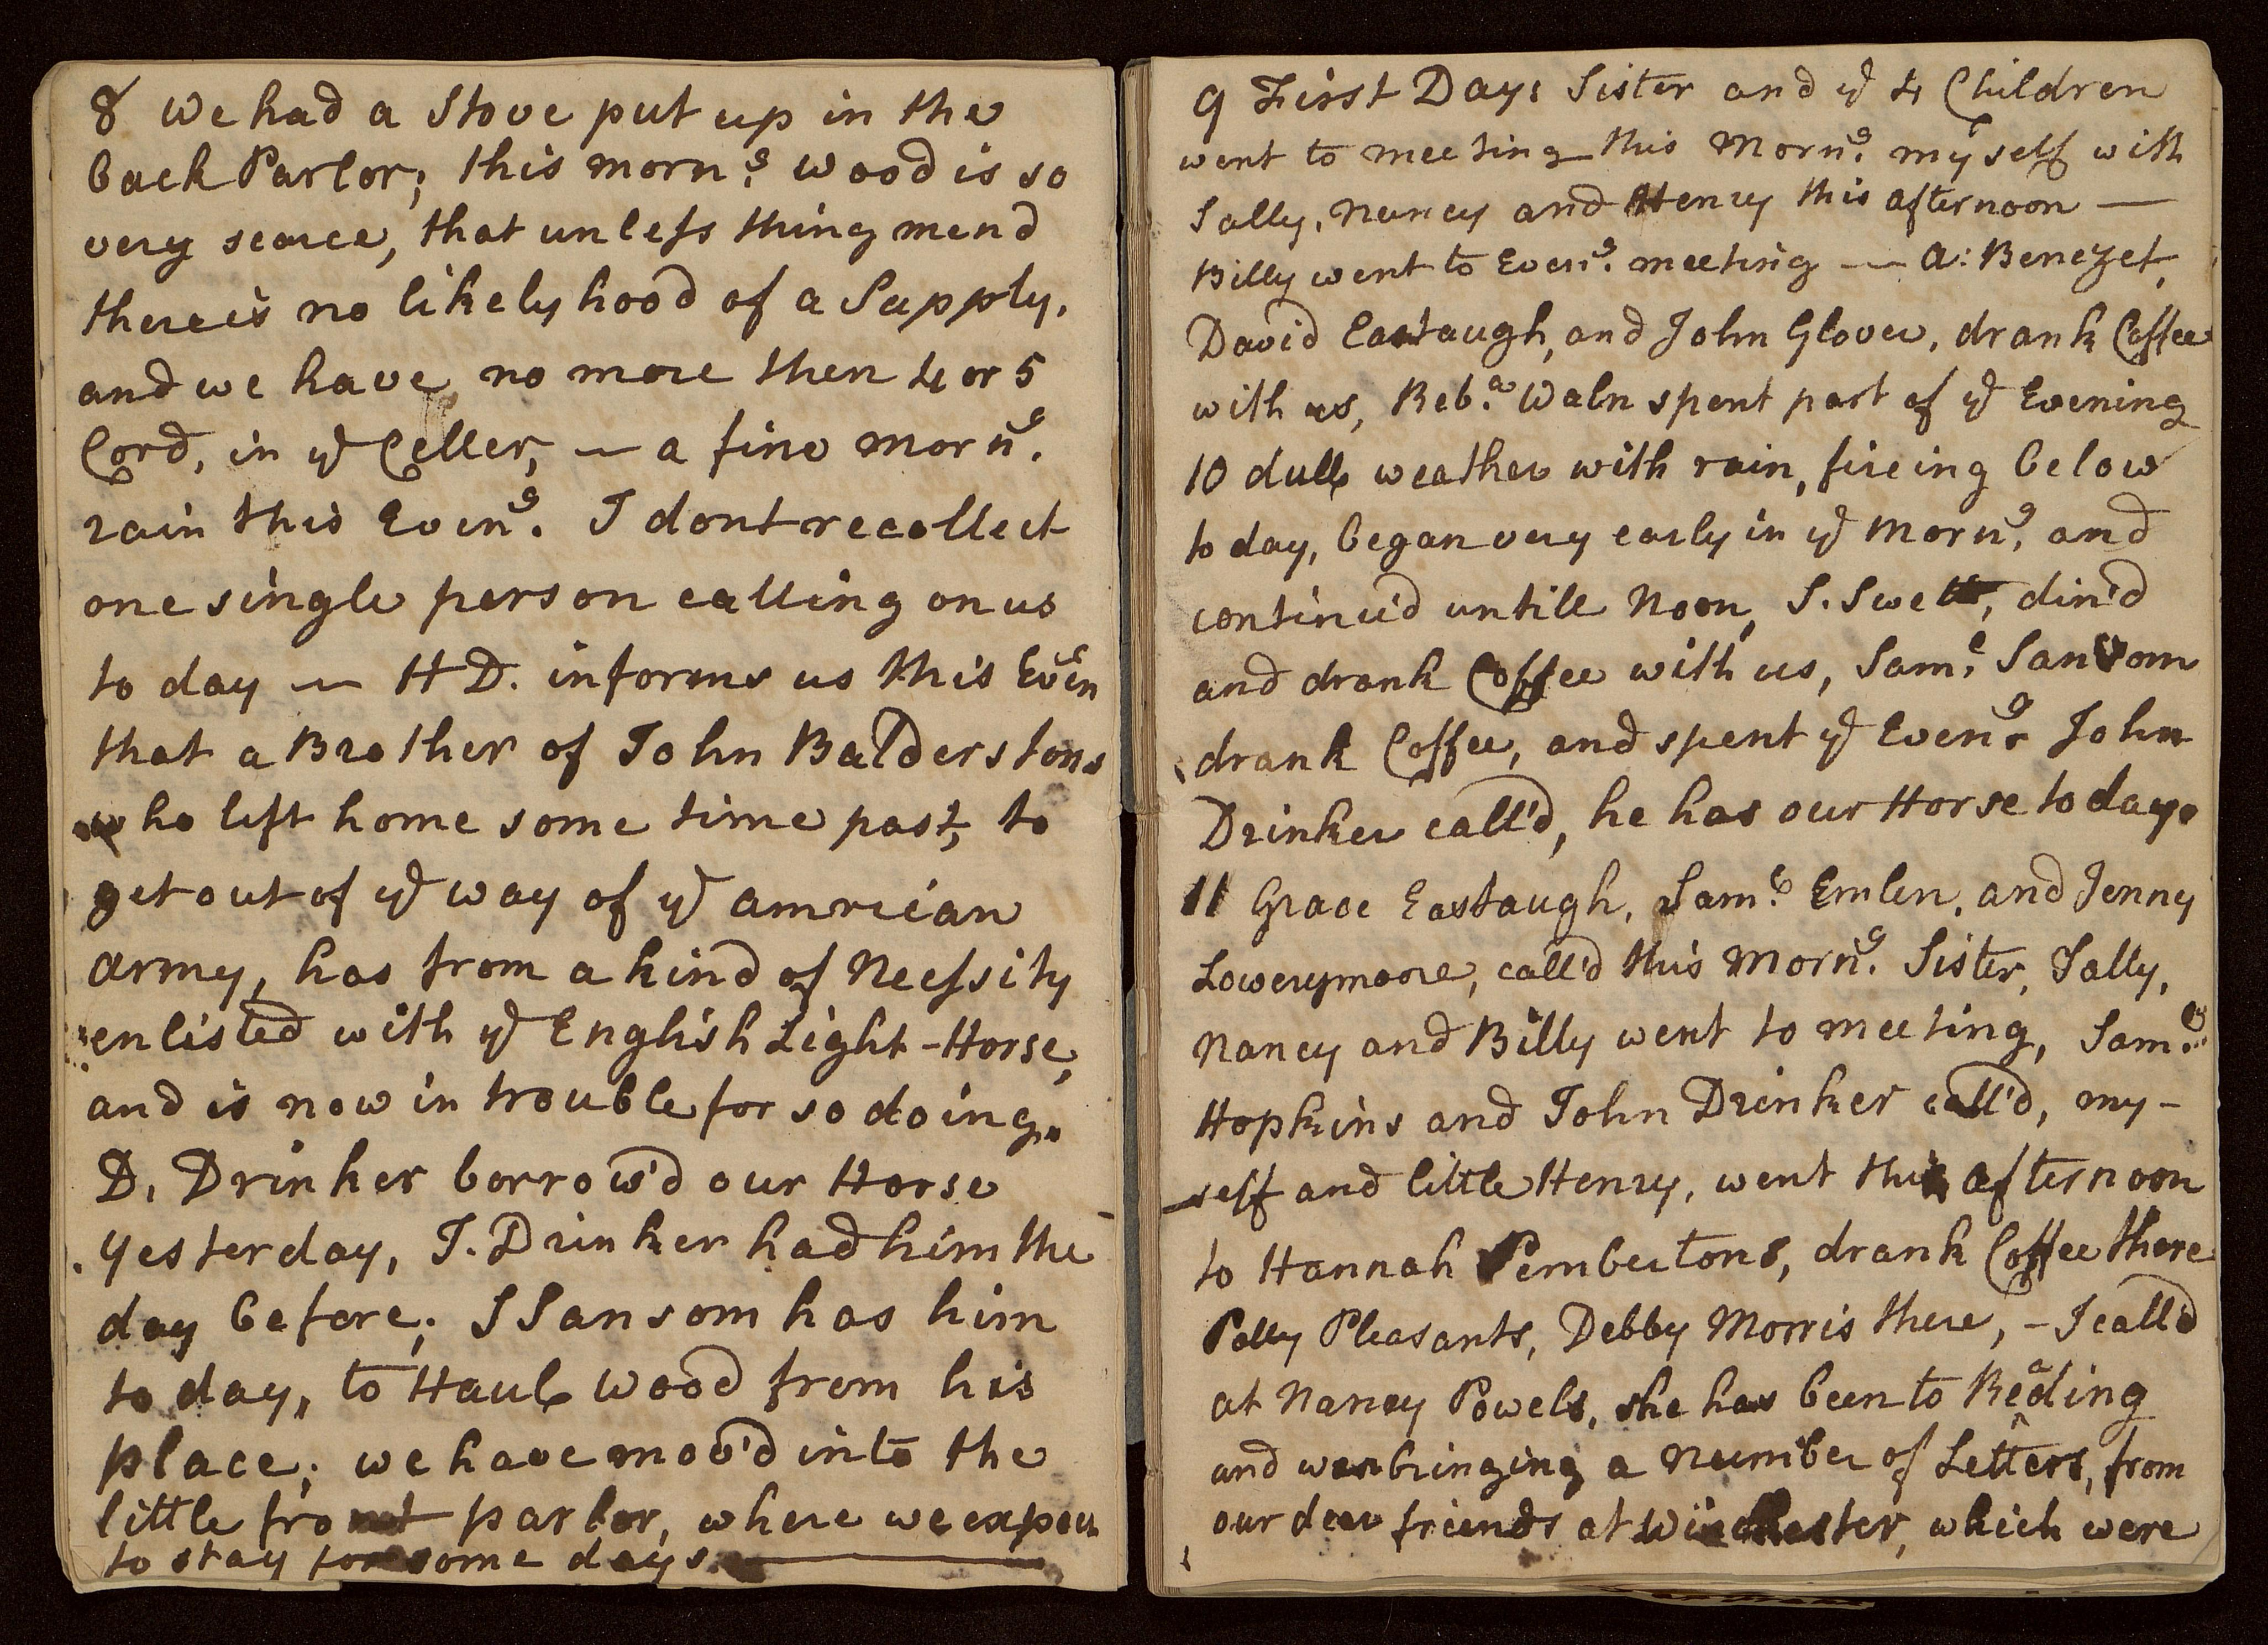8 we had a Stove put up in the
back Parlor; this morn^g. wood is so
very scarce, that unless thing mend
there is no likelyhood of a Supply,
and we have no more then 4 or 5
Cord, in y^e celler - a fine morn^g.
rain this Even^g. I dont recollect
one single person calling on us
to day-HD. informs us this Even^g
that a Brother of John Balderstorns
who left home some time past, to
get out of y^e way of y^e Amrican
Army, has from a kind of Necssity
enlisled with y^e English Light-Horse,
and is now in trouble for so doing,
D. Drinker borrow'd our Horse
yesterday, J. Drinker had him the
day before. S Sansom has him
to day, to Haul Wood from his
place; we have mov'd into the
little front parlor, where we expres
to stay for some days
9 First Days Sister and y^e 4 Children
went to meeting this Morn^g. myself, with
Sally, Nancy and Henry this Afternoon-
Billy went to Even^g. meeting- A: Benezet,
David Eastaugh, and John Glover, drank Coffee
with us, Reb^a. Waln spent part of y^e Evening
10 dull weather with rain, fireing below
to day, began very early in y^e morn^g, and
continu'd untill Noon, S. Swett, din'd
and drank Coffee with us, Sam^l. Sansom
drank Coffee, and spent y^e Even^g. John
Drinker call'd, he has our Horse to day-
11 Grace Eastaugh, Sam^l. Emlen, and Jenny
Lowerymoore, call'd this Morn^g. Sister, Sally,
Nancy and Billy went to meeting, Sam^l.
Hopkins and John Drinker call'd, my-
left and little Henry, went this Afternoon
to Hannah Pembertons, drank Coffee there
Polly Pleasants, Debby Morris there,- I call'd
at Nancy Powels, she has been to Re^a ding
and was bringing a Number of Letters, from
our dear friends at Winchester, which were